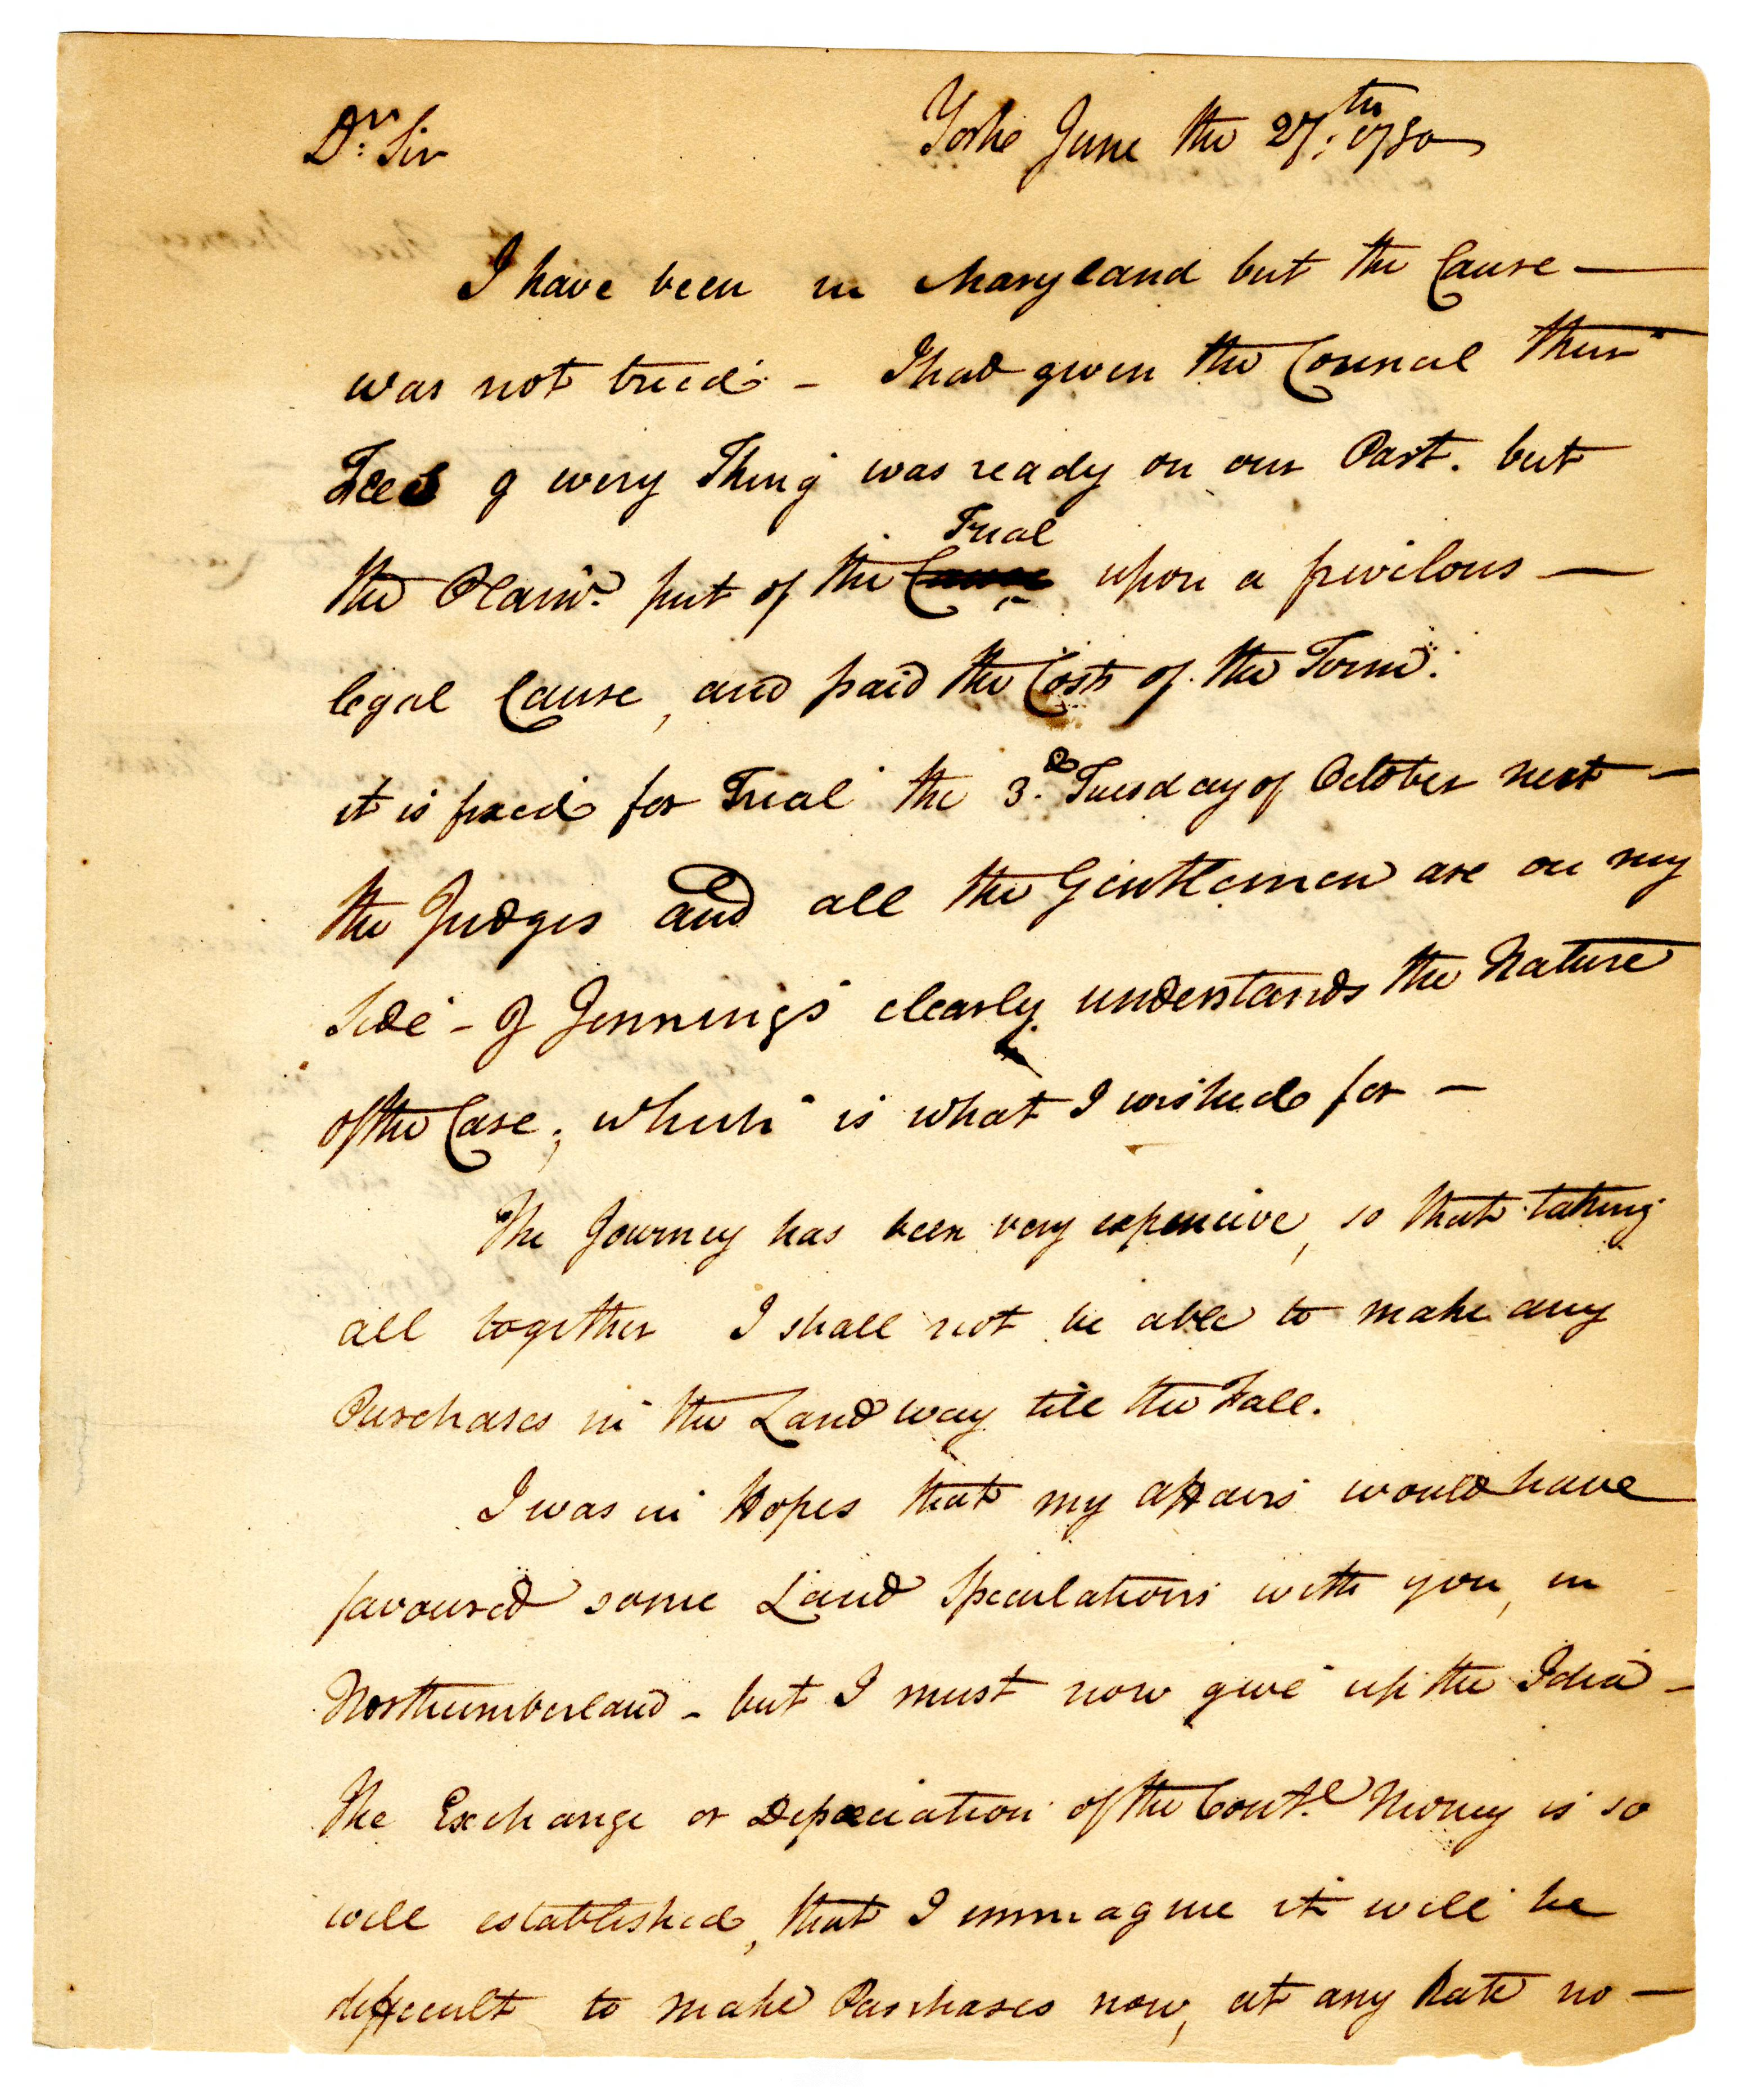Yorke June the 27^th. 1780
D^r. Sir
I have been in Maryland but the Cause
was not tried- I had given the Council their
Ice & every Thing was ready on our Part. but
the Plain^f. put of the Council ^ upon a frivolous
Trial
legal Cause and paid the Costs of the Form.
it is fixed for Trial the 3^d. Tuesday of October next
the Judges and all the Gentlemen are on my
side- J. Jennings clearly under stands the Nature
of the Case; which is what I wished for
The Journey has been very expensive so that taking
all together I shall not be able to make any
Purchases in the Land way till the Fall
I was in Hopes that my affairs would have
favoured some Land Speculations with you, in
Northumberland. but I must now give up the Idea
the Exchange or Depreciation of the Cout^l. Nevrey is so
well established that I immagine it will be
difficult to make Purchases now, at any Rate no